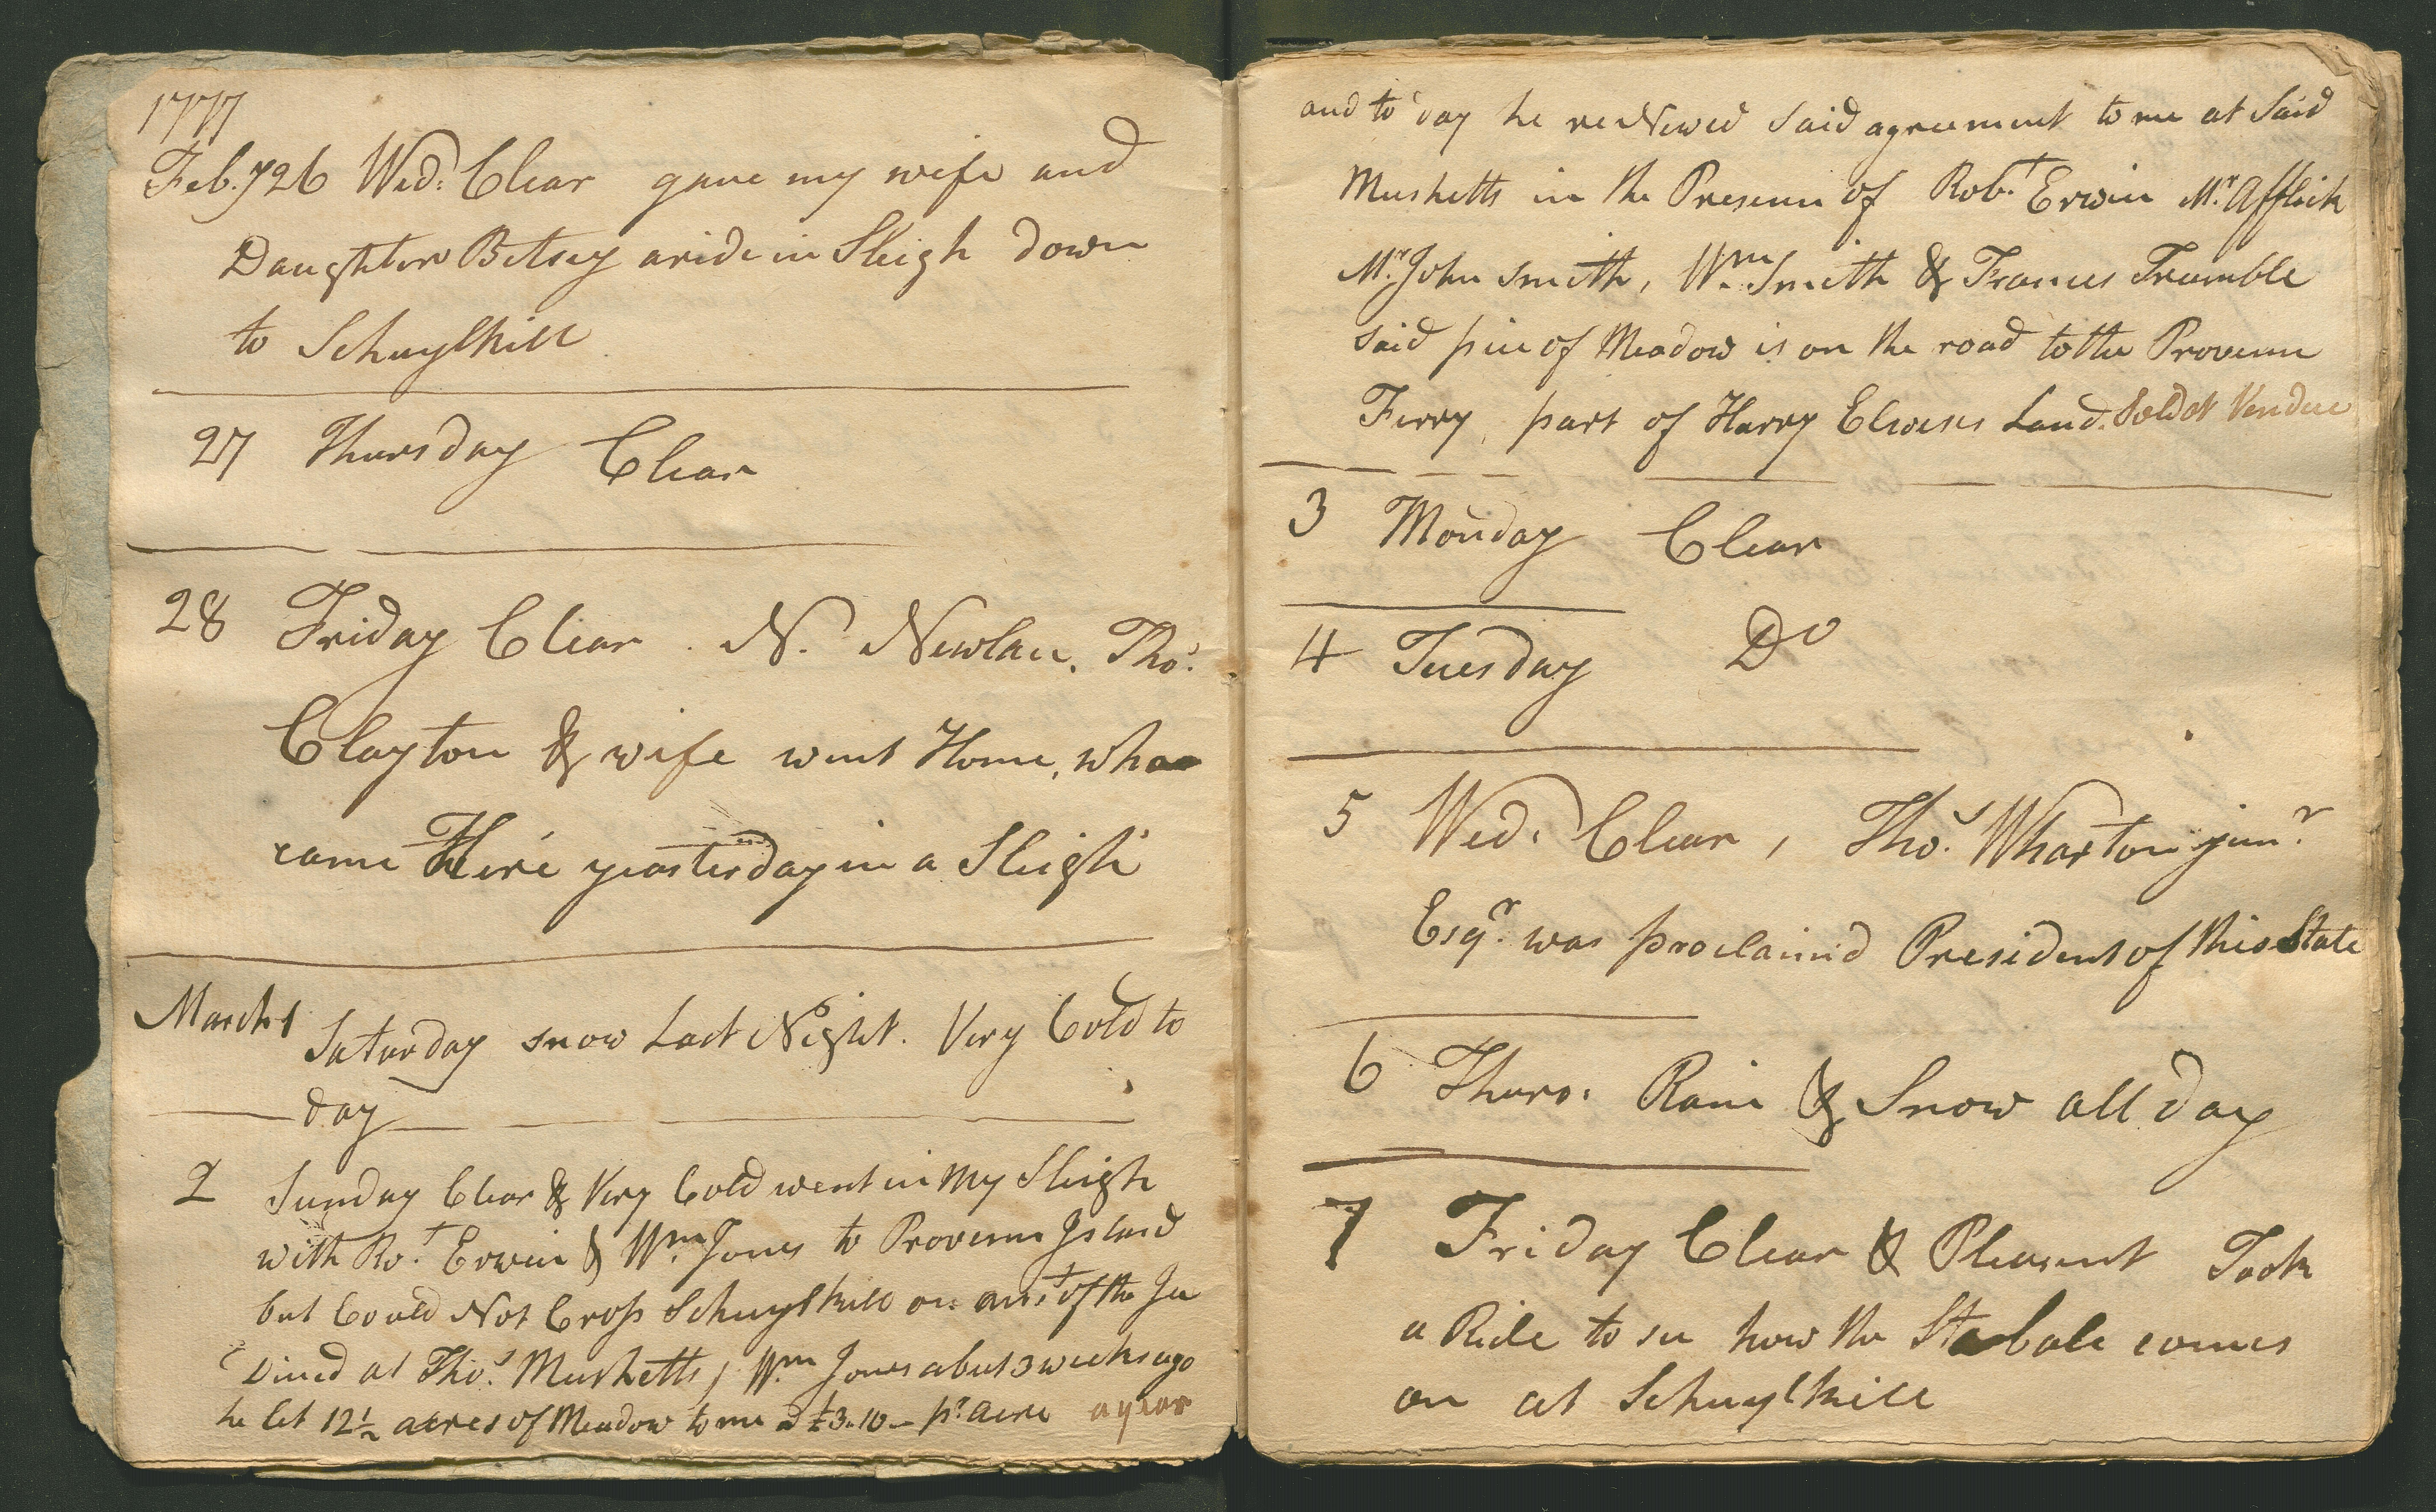1777
Feb^y. 26 Wed: Clear gave my wife and
Daughter Betsey a ride in Sleigh down
to Schuylkill
27 Thursday Clear
28 Friday Clear. N. Newlan Tho^s.
Clayton & wife went Home, who
came Here yeasterday in a Sleigh
March 1
Saturday snow Last Night. Very Cold to
day
2 Sunday Clear & Very Cold went in My Sleigh
with Ro^t. Erwin & W^m. Jones to Provence Island
but Could Not Cross Schuylkill on acc^t of the Ice
Dined at Tho^s. Mushetts, W^m. Jones abut 3 weeks ago
he let 12 1/2 acres of Meadow to me @3..10- p^r. Acre a year
and to day he re Newed said agreement to me at Said
Mushetts in the Presence of Rob^t. Erwin M^r. Afflick
M^r. John Smith, W^m. Smith & Frances Trumble
said pice of Meadow is on the road to the Provence
Ferry, part of Harry Eliveses Land Sold at Vendue
3 Monday Clear
4 Tuesday D^o
5 Wed. Clear, Tho^s. Wharton jun^r.
Esq^r. was proclaim'd President of this State
Thurs. Rain & Snow all day
7 Friday Clear & Pleasent Took
a Ricle to see how the Stabale comes
on at Schuylkill